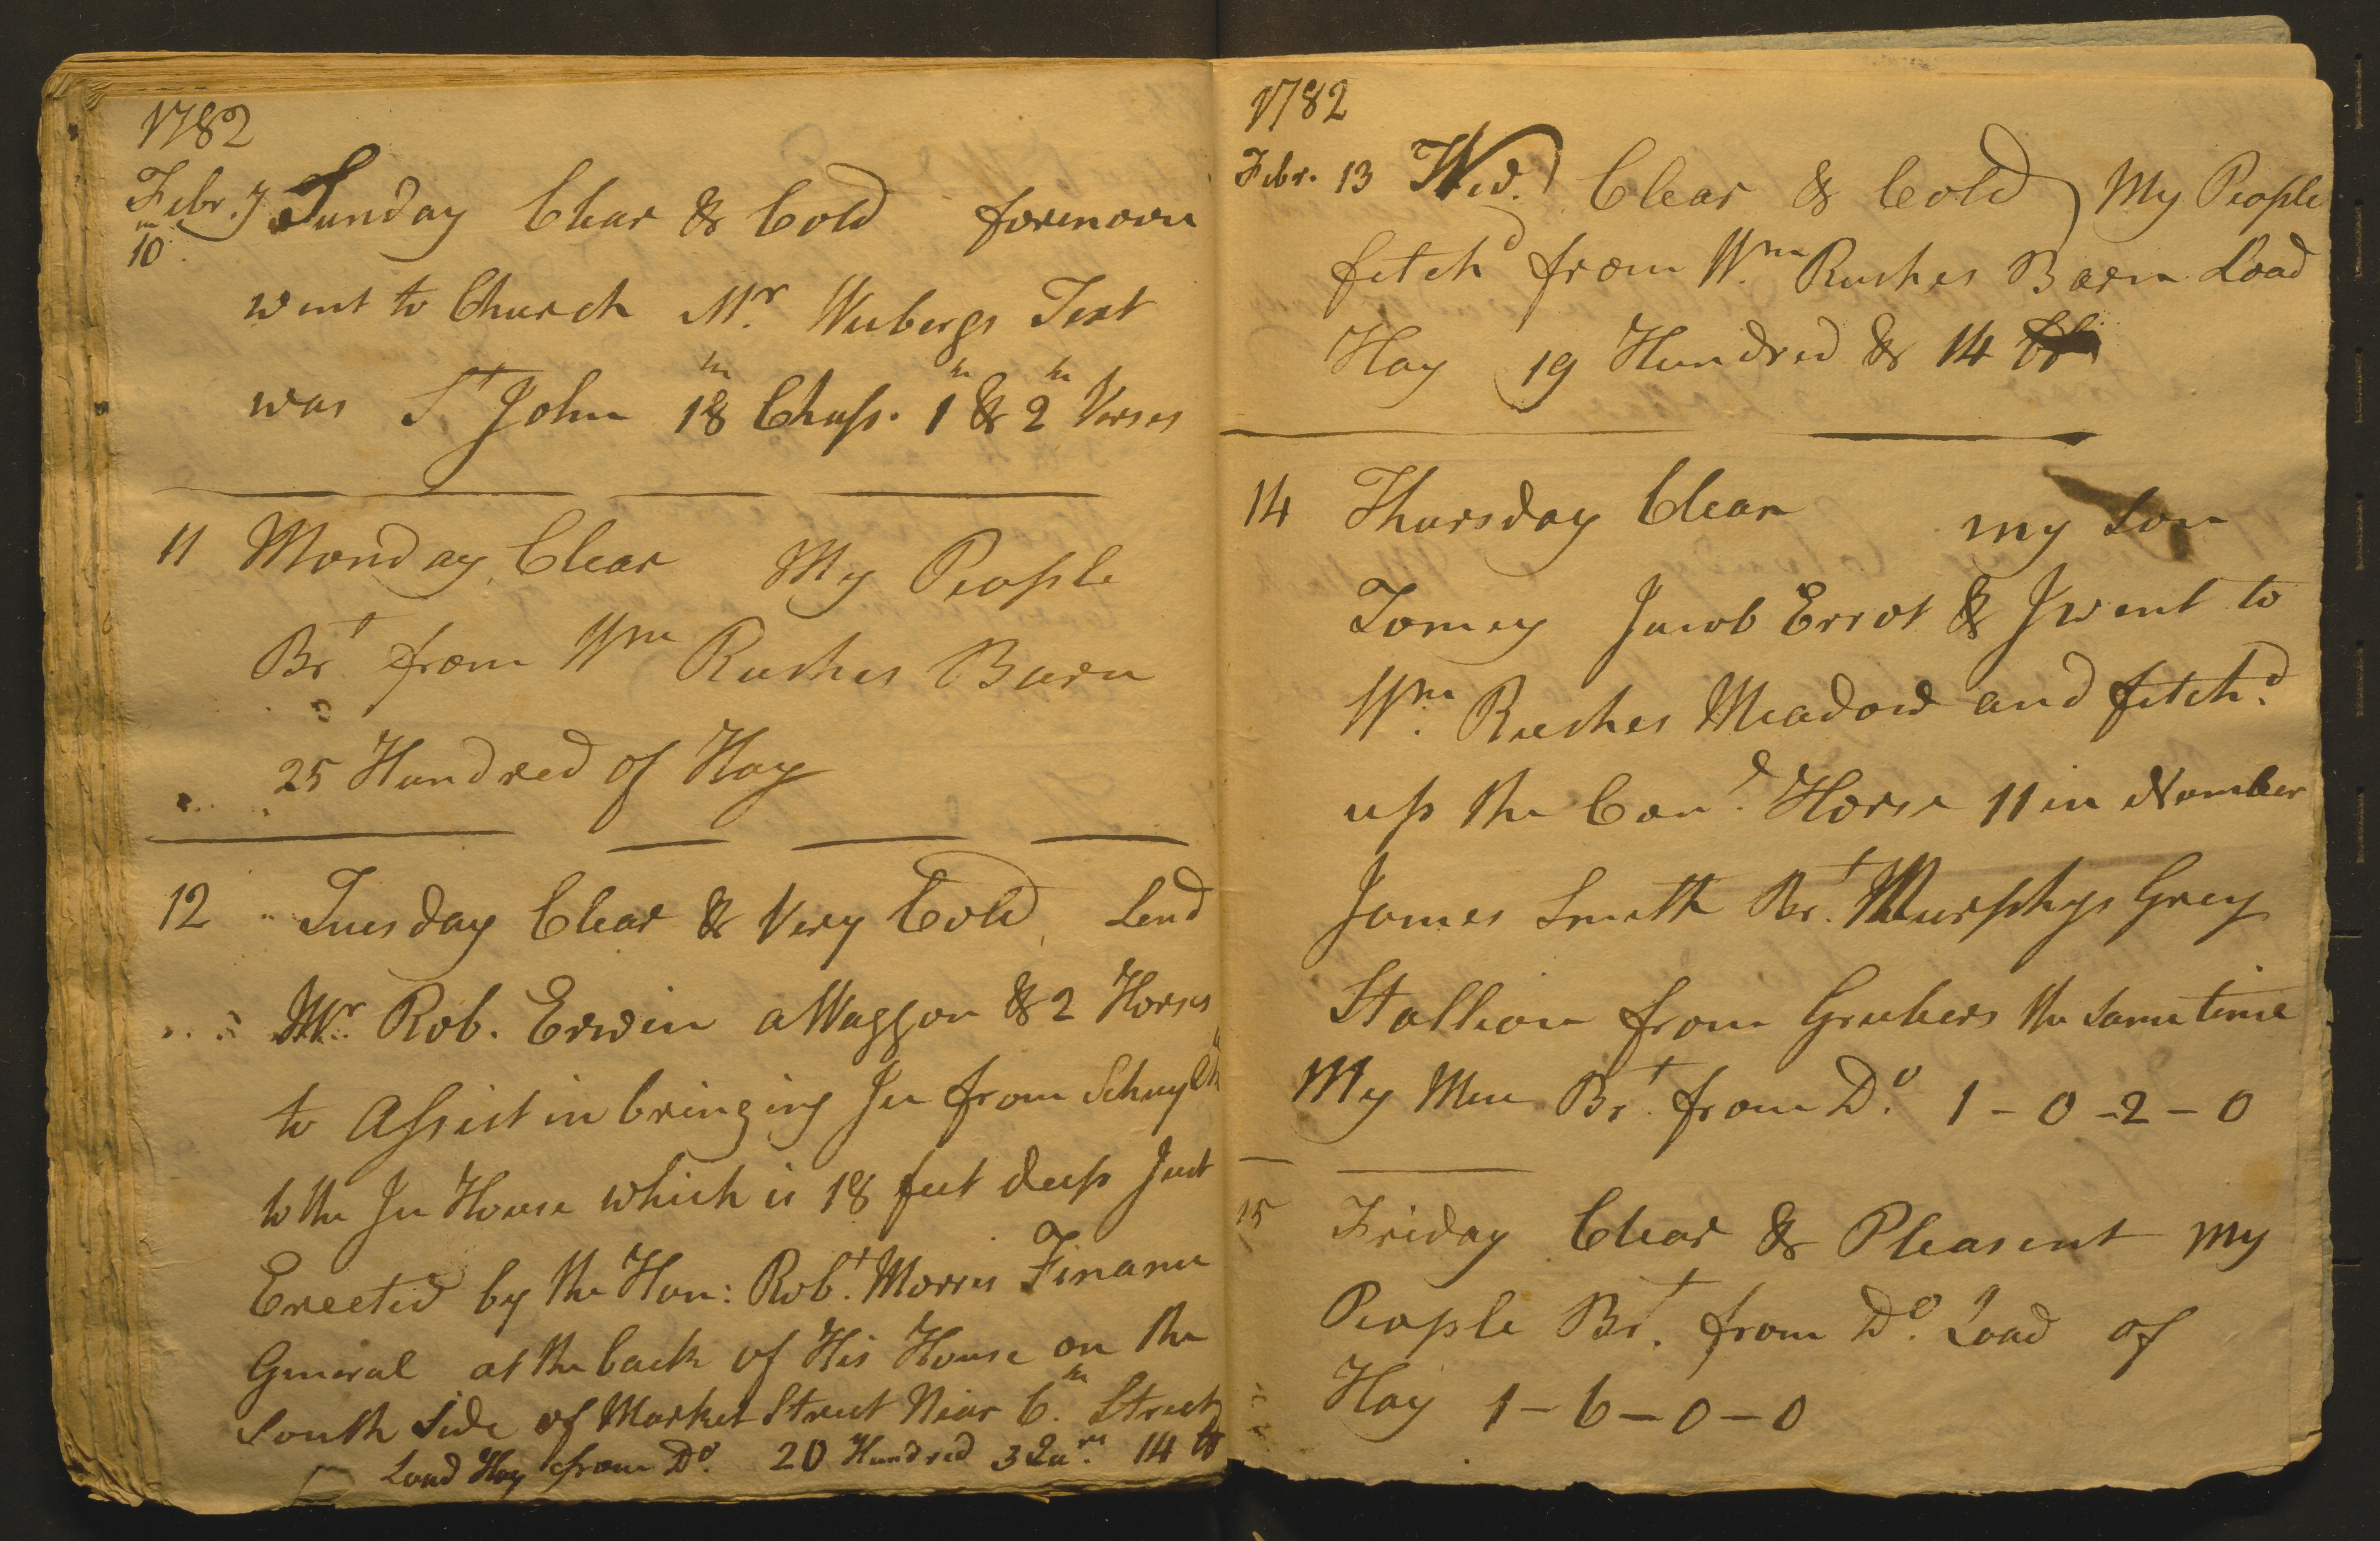1782
Febr^y. Sunday Clear & Cold forenoon
10^th
went to Church M^r. Weibergs Text
was S^t. John 18^th Chap. 1^h & 2^h Verses
11 Monday Clear My People
Br^t from W^m. Rushes Barn
25 Hundred of Hay
12. Tuesday Clear & Very Cold Lend
M^r. Robt. Erwin a Waggon & 2 Horses
to Assist in bringing Ice from Schuylk
to the Ice House which is 18 feet deep Just
Erected by the Hon: Rob^t. Morris Finance
General at the back of His House on the
South Side of Market Street Near 6^th. Street
Load Hay from D^o. 20 Hundred 3 Qu^rs. 14 lb
1782
Febr. 13 Wed. Clear & Cold My People
fetch^d from W^m. Rushes Barn Load
Hay 19 Hundred & 14 lb
14 Thursday Clear my son
Tomey Jacob Errot & I went to
W^m. Rushes Meadow and fetch^d.
up the Con^l. Horse 11 in Number
James Smith Br^t. Murphys Grey
Stallion from Grubers the Same time
My Mare Br^t. from D^o. 1-0-2-0
25 Friday Clear & Pleasent My
People Br^t. from D^o. Load of
Hay 1-6-0-0